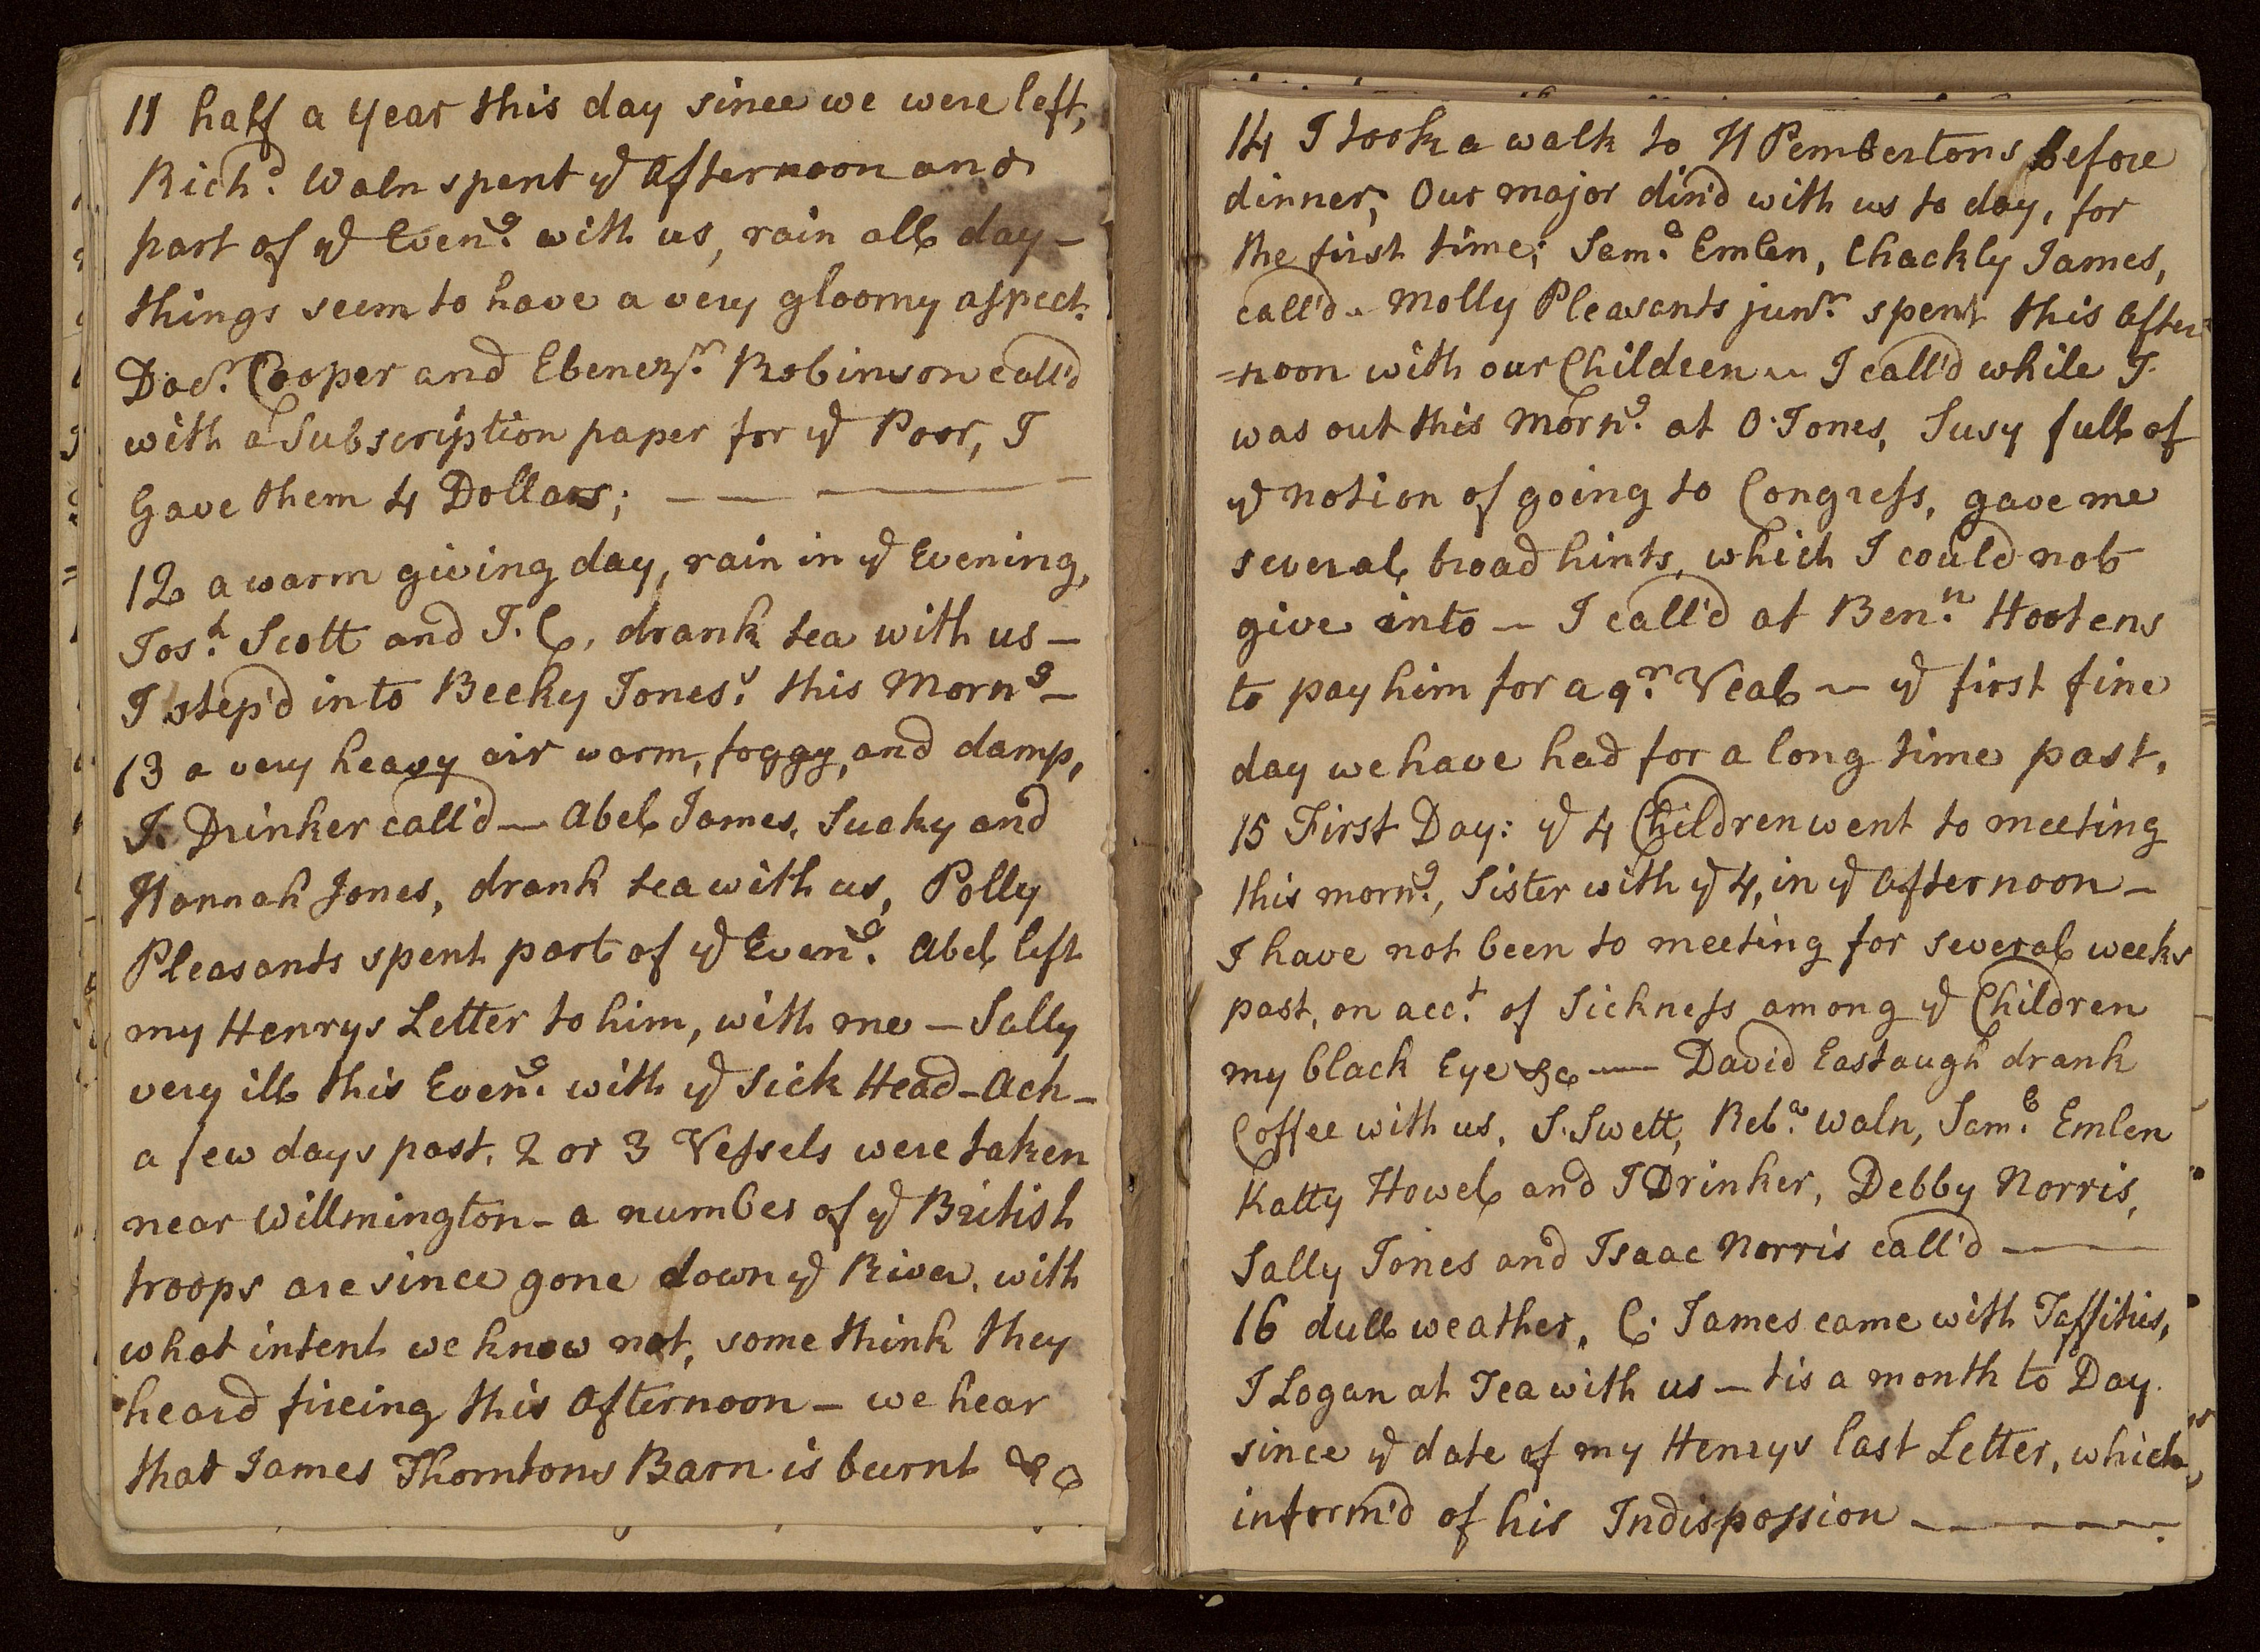11 half a year this day since we were left,
Rich^d. Waln spent y^e afternoon and
part of y^e Even^g. with us, rain all day-
things seem to have a very gloomy aspect.
Doc^r. Cooper and Ebenez^r. Robinson call'd
with a Subscription paper for y^e Poor, I
Gave them 4 Dollars;--
12 a warm giving day, rain in y^e Evening,
Jos^h. Scott and J.C, drank tea with us-
I step'd into Becky Jones^s. this morn^g-
13 a very heavy air warm, foggy, and damp,
J. Drinker call'd- Abel James, Sucky and
Hannah Jones, drank tea with us, Polly
Pleasants spent part of y^e Even^g. Abel left
my Henrys Letter to him, with me- Sally
very ill this Even^g. with y^e sick Head- Ach-
a few days past, 2 or 3 Vessels were taken
near Willmington- a number of y^e British
troops are since gone down y^e River, with
what intent we know not, some think they
heard fireing this afternoon- we hear
that James Thorntons Barn is burnt &c
14 I took a walk to H Pembertons before,
dinner, Our major din'd with us to day, for
the first time; Sam^l. Emlen, Chackly James,
call'd- Molly Pleasants jun^r. spent this after
-noon with our Children- I call'd while T.
was out this morn^g. at O'Jones, Susy full of
y^e notion of going to Congress, gave me
several broad hints, which I could not
give into- I call'd at Ben^n. Hootens
to pay him for a q^r. Veal- y^e first fine
day we have had for a long time past,
15 First Day: y^e 4 Children went to meeting
this morn^g., Sister with y^e 4, in y^e afternoon-
I have not been to meeting for several weeks
past, on acc^t. of Sickness among y^e Children
my black Eye &c- David Eastaugh drank
Coffee with us, S. Swett, Reb^a. Waln, Sam^l. Emlen
Katty Howel and J Drinker, Debby Norris,
Sally Jones and Isaac Norris call'd-
16 dull weather, C. James came with Taffities,
J Logan at Tea with us- tis a month to Day.
since y^e date of my Henrys last Letter, which
inform'd of his Indispossion-